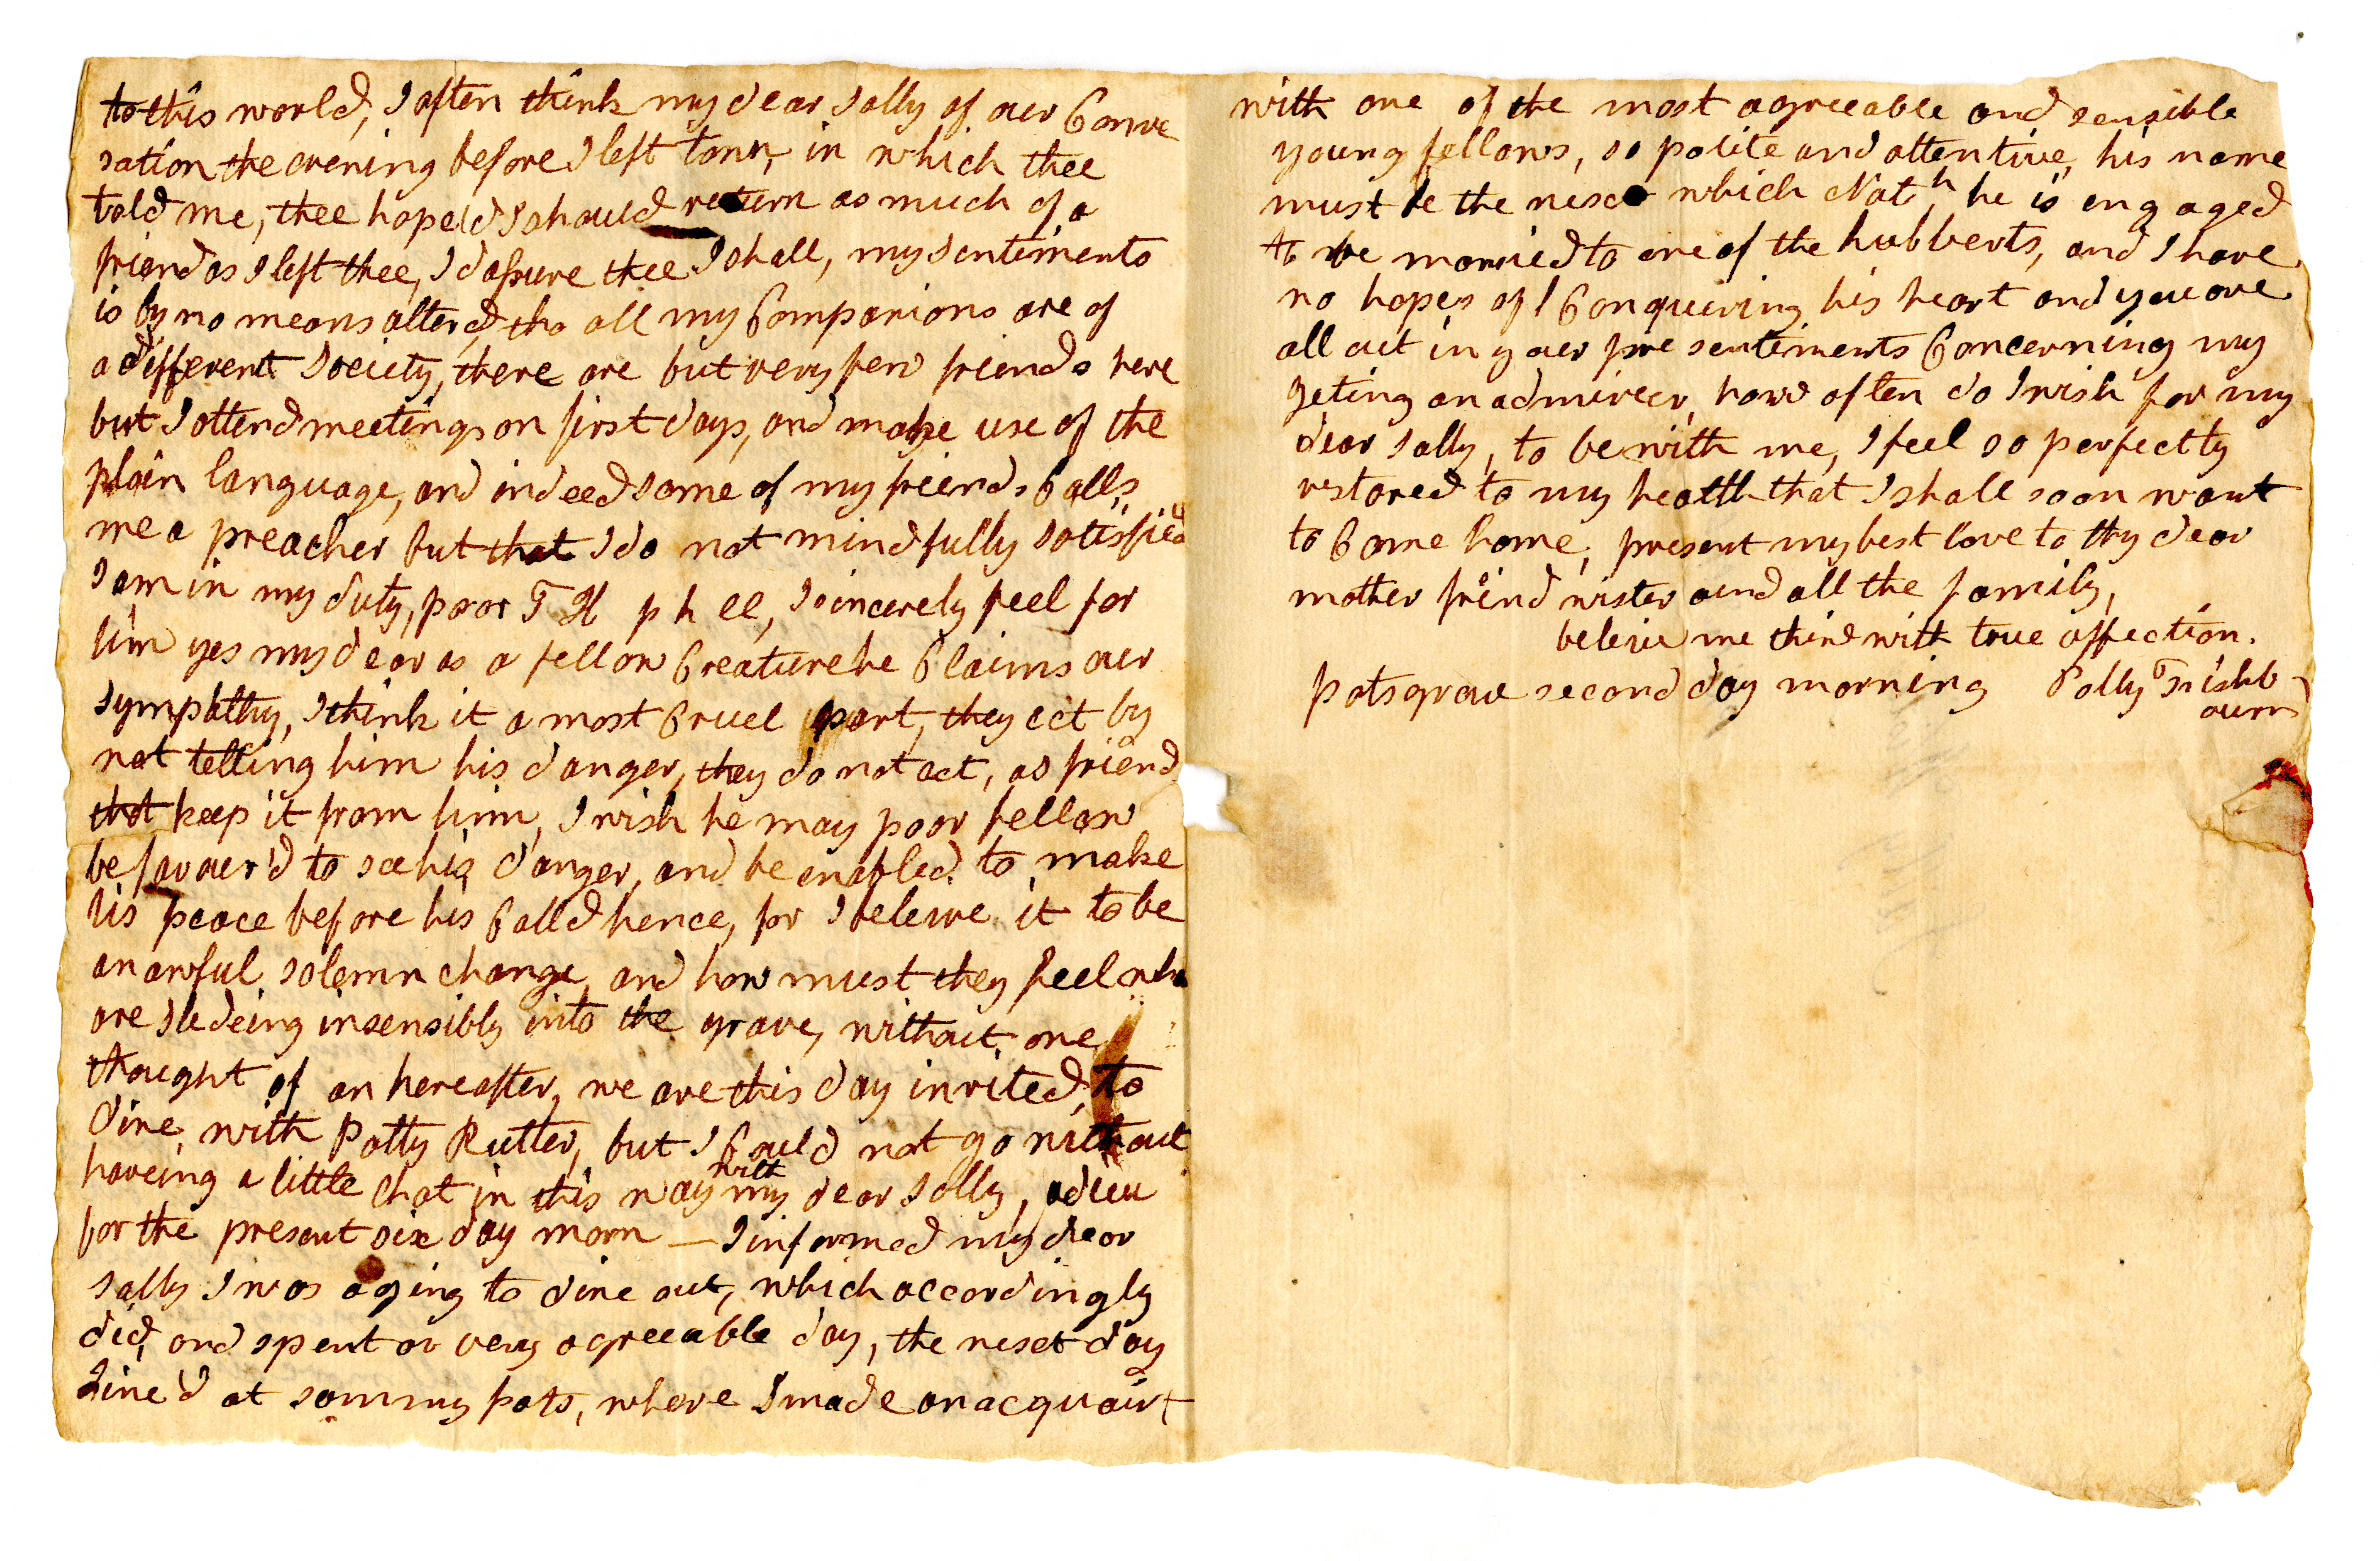to this world, I often think my dear Sally of our Conve
sation the evening before I left town in which thee
told me, thee hoped I should return as much of a
friend as I left thee, Id assure thee I shall, my sentiments
is by no means alterd tho all my Companions are of
a different society, there are but very few friends here
but I attend meetings on first days, and make use of the
plain language, and indeed some of my friends calls
me a preacher but that I do not mind fully satisfied
I am in my duty, poor F H ph ll, I sincerely feel for
him yes my dear as a fellow creature he Claims our
sympathy, I think it a most cruel part they act by
not telling him his danger, they do not act, as friend
that keep it from him, I wish he may poor fellow
be favour'd to see his danger, and be enabled to make
his peace before his called hence, for I believe it to be
an awful solemn change and how must they feel and
one slideing insensibly into the grave, without one
thought of an hereafter we are this day invited to
dine with Patty Rutler, but I could not go without
with
haveing a little chat in this way my dear sally, adieu
for the present six day morn- I informed my dear
sally I was a going to dine out, which accordingly
did, and spent a very agreeable day, the next day
dined at sammy pots, where I made on acquaint
with one of the most agreeable and sensible
young fellows, so polite and attentive, his name
must be the nex[_] which Nat^h he is engaged
to be married to one of the hubberts, and I have
no hopes of conquering his heart and you are
all out in your fine sentiments Concerning my
geting an admireer, how often do I wish for my
dear sally to be with me, I feel so perfectly
restored to my health that I shall soon want
to Come home, present my best love to thy dear
mother friend wister and all the the family,
believe me thine with true affection,
Polly Fishb-
ourn
potsgrove second day morning